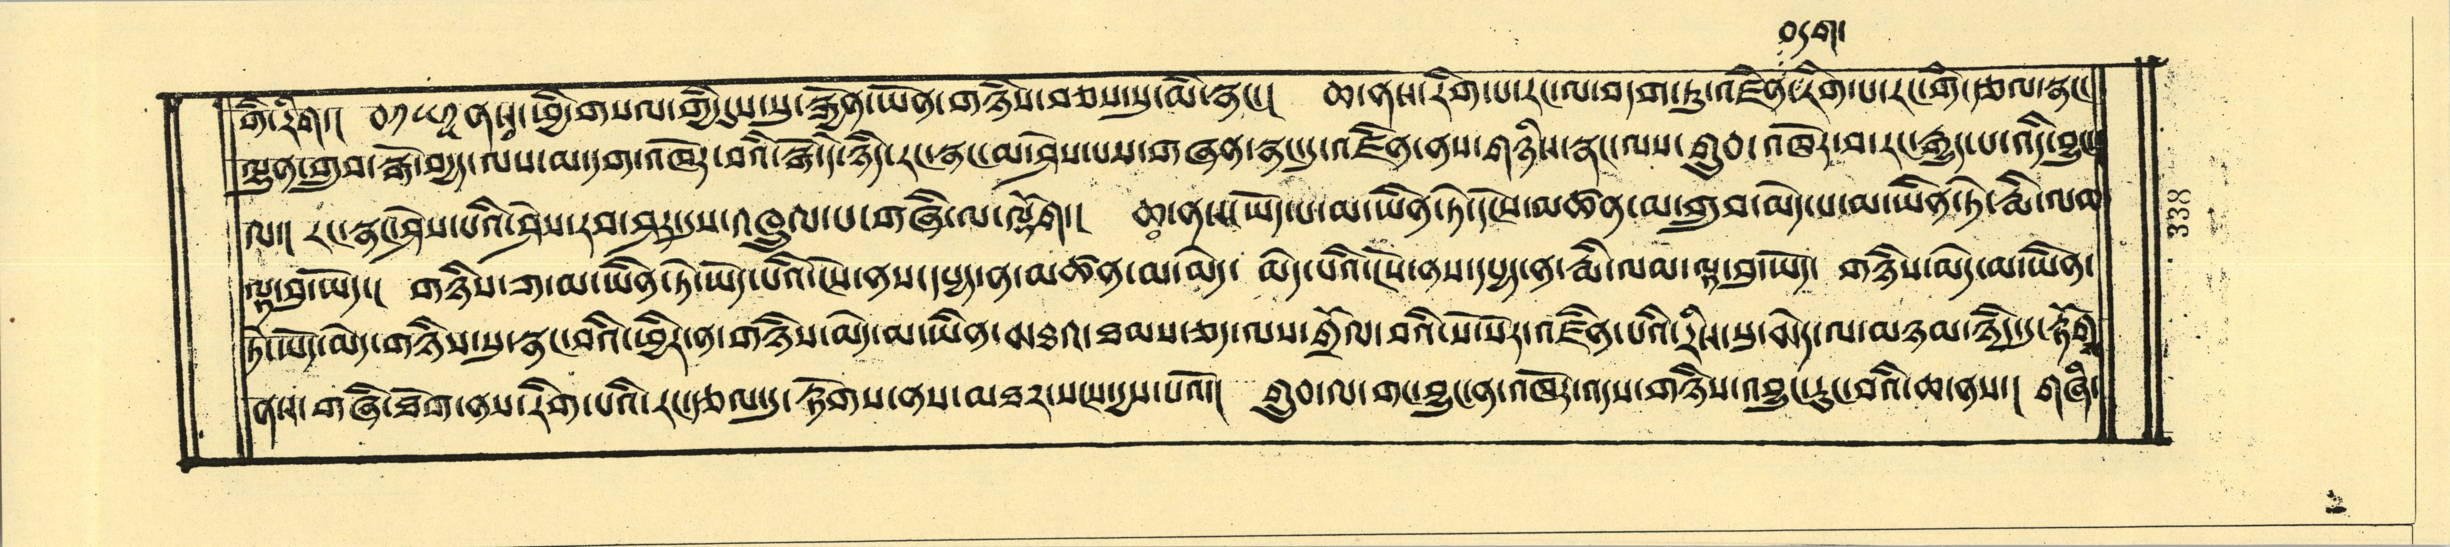གི་རིག་ བ༡༥༡།༥ ནས་ཕྱི་གསལ་གྱི་དུས་སུ་སྐྱོན་ཡོན་གཉིས་བཅས་སུ་མི་སྣང། ཆ་ནས་རིག་པ་རང་ལ་བདག་ཏུ་འཛིན་བདག་རིག་པ་རང་གི་རྩལ་སྣང་
ལྷུན་གྲུབ་སྒོ་བརྒྱད་ལས་མ་དག་འཁོར་བའི་སྒོ་དེ་ཉིད་རང་སྣང་མ་ཤེས་པས་གཞན་སྣང་དུ་འཛིན་ནས་གཉིས་སྣང་ལས་གྲུབ་འཁོར་བ་རང་རྒྱུད་པ་འདི་བྱུང་ 
ལ། རང་སྣང་ཤེས་པའི་ཤེས་རབ་ཤར་དུས་འཁྲུལ་པ་གཞི་ལ་ལྡོག་ ཆ་ནས་ཡོད་པ་མ་ཡིན་ཏེ་དངོས་མཚན་མ་གྲུབ་མེད་པ་མ་ཡིན་ཏེ་རྨི་ལམ་
ལྟ་བུ་ཡོད། གཉིས་ཀ་མ་ཡིན་ཏེ་ཡོད་པའི་ངོས་ནས་དཔྱད་ན་མཚན་མ་མེད། མེད་པའི་ངོས་ནས་དཔྱད་ན་རྨི་ལམ་ལྟ་བུ་ཡོད། གཉིས་མེད་མ་ཡིན་
ཏེ་ཡོད་མེད་གཉིས་སུ་སྣང་བའི་ཕྱིར་ན་གཉིས་མེད་མ་ཡིན་མཐའ་ཐམས་ཅད་ལས་གྲོལ་བའི་སོ་སོར་འཛིན་པའི་རིས་སུ་མེད་ལ་མཉམ་ཉིད་དུ་རྟོགས་
ནས་གཞི་ཐོག་ནས་རིག་པའི་རང་རྩལ་དུ་རྟོགས་ནས་མཐར་སངས་རྒྱས་པའོ། གྲུབ་ལ་གང་བྱུང་ན་འཁོར་འདས་གཉིས་འབྱུང་རུང་བའི་ཆ་ནས། གཞི་